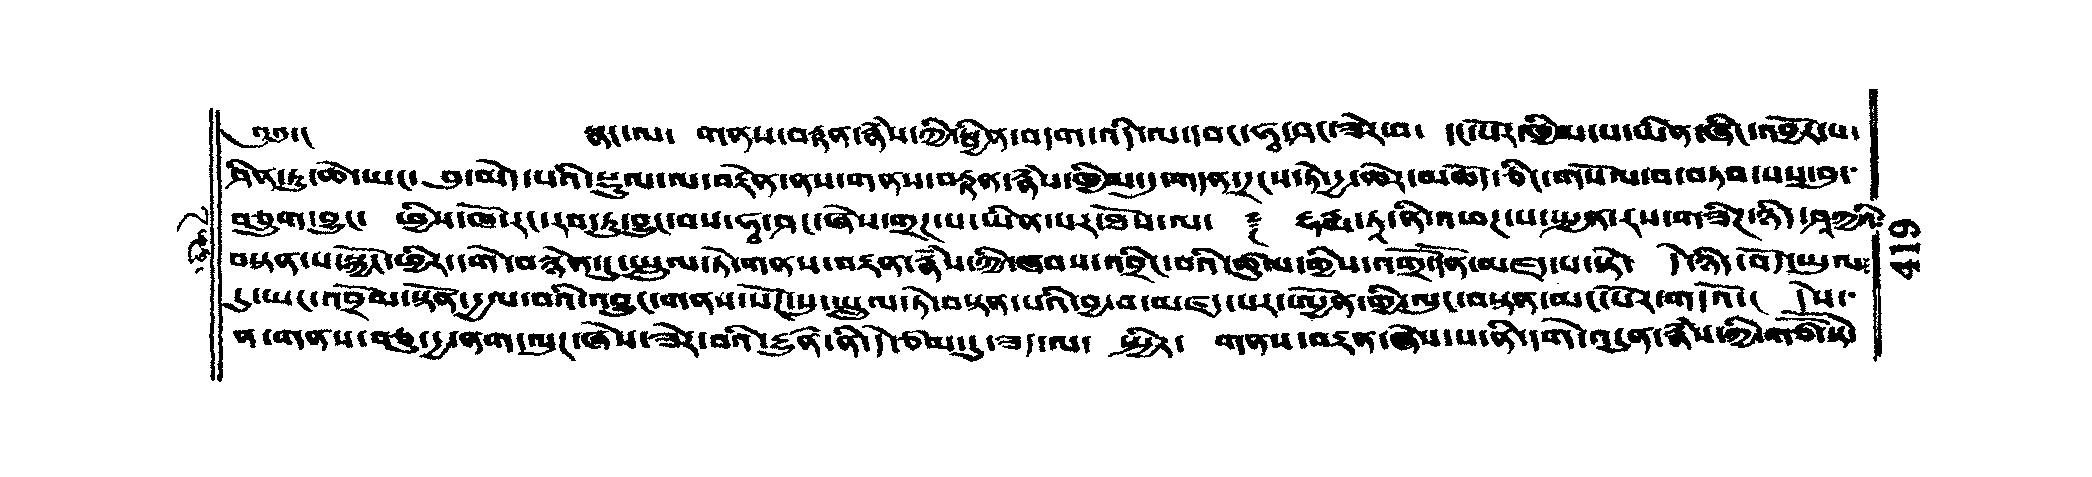སྣང་ལ། གནས་བརྟན་རྣམས་ཀྱི་སྦྱིན་བདག་འདི་ལ་ཡང་ཧྭ་ཤང་ཟེར་བ། དང་པོར་ཁྱིམ་པ་ཡིན་ཞིང་འབྱོར་པ་
ཤིན་ཏུ་ཆེ་ཡང་། བུ་མེད་པའི་སྡུག་བསྔལ་ལ་བརྟེན་ནས་གནས་བརྟན་རྣམས་ཁྱིམ་དུ་གདན་དྲངས་ཏེ་རྒྱ་ཆེར་མཆོད་ཅིང་གསོལ་བ་བཏབ་པས་བུ་
བཅུ་དྲུག་བྱུང་། ཕྱིས་ཁོ་རང་རབ་ཏུ་བྱུང་བས་ཧྭ་ཤང་ཞེས་གྲགས་པ་ཡིན་པར་ཐོས་ལ། དྷརྨ་ཏཱ་ནི་འཕགས་པ་སྤྱན་རས་གཟིགས་ཉིད་ཤཱཀྱའི་
བསྟན་པ་སྐྱོང་ཕྱིར་དགེ་བསྙེན་དུ་སྤྲུལ་ཏེ་གནས་བརྟན་རྣམས་ཀྱི་ཞབས་འབྲིང་བའི་ཚུལ་གྱིས་འགྲོ་དོན་མཛད་པ་སྟེ། དེ་ཉིད་བོད་ཡུལ་
དུ་ཡང་འབྲོམ་སྟོན་རྒྱལ་བའི་འབྱུང་གནས་སོགས་སུ་སྤྲུལ་ཏེ་བསྟན་པའི་བྱ་བ་མཛད་པར་ཨོ་རྒྱན་གྱི་ལུང་བསྟན་མང་པོར་གདའ་འོ། དེས་
ན་གནས་བཅུ་རྒྱ་ནག་ལུགས་ཞེས་ཟེར་བའི་རྒྱུ་མཚན་ནི་དེ་ཙམ་དུ་ཟད་ལ། སྤྱིར་གནས་བརྟན་ཞེས་པ་ནི་དགེ་འདུན་རྣམས་ཀྱི་གཙོ་བོ་སྟེ།